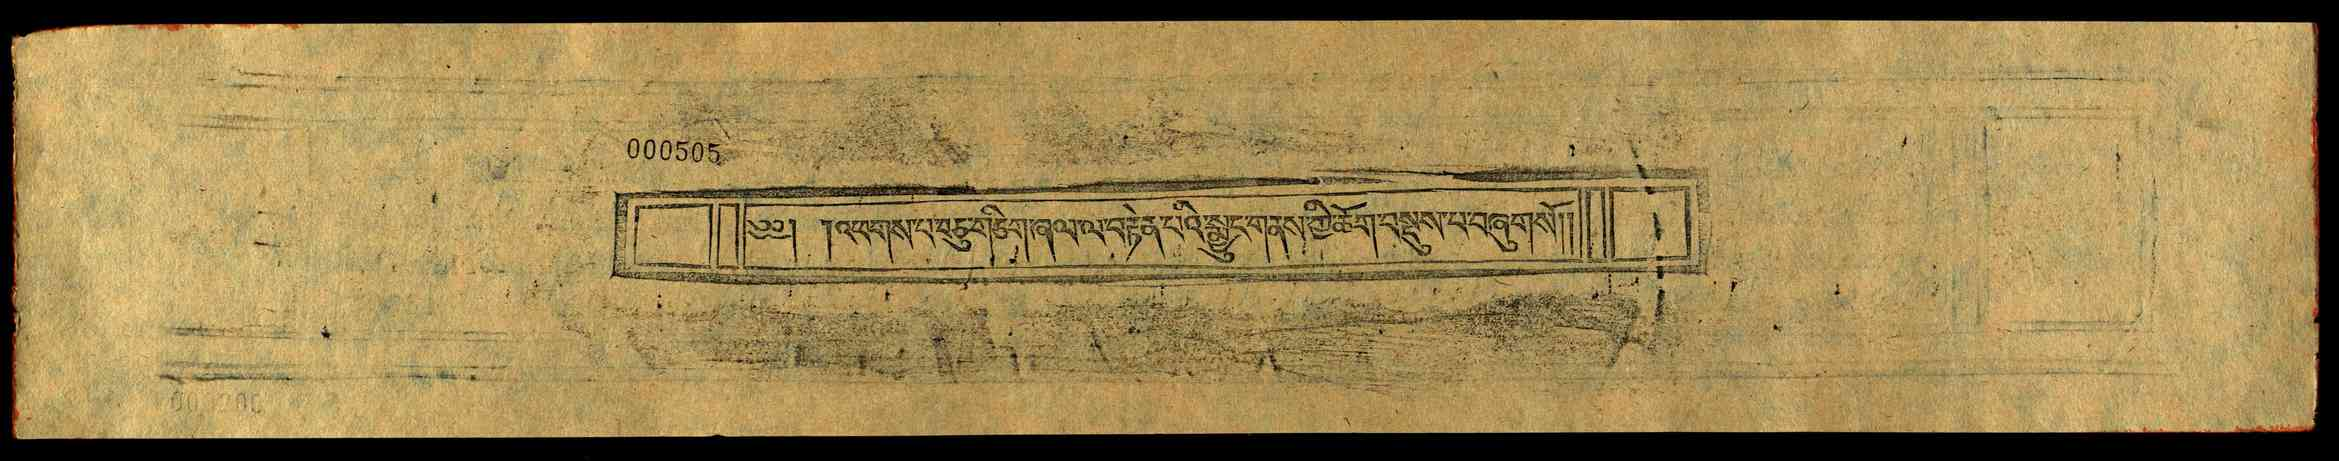༄༅། །འཕགས་པ་བཅུ་གཅིག་ཞལ་ལ་བརྟེན་པའི་སྨྱུང་གནས་ཀྱི་ཆོ་ག་བསྡུས་པ་བཞུགས། །